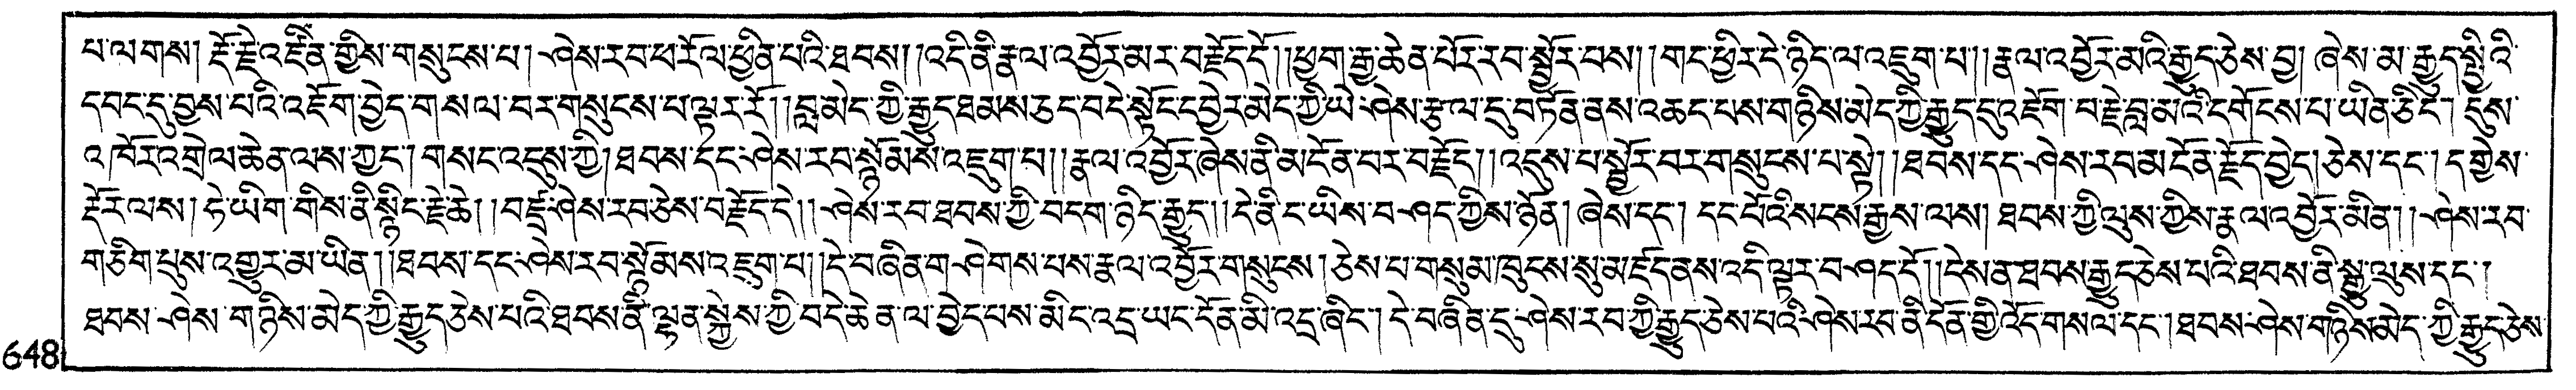པ་ལགས། རྡོ་རྗེ་འཛིན་གྱིས་གསུངས་པ། ཤེས་རབ་ཕ་རོལ་ཕྱིན་པའི་ཐབས། །འདི་ནི་རྣལ་འབྱོར་མར་བརྗོད་དོ། །ཕྱག་རྒྱ་ཆེན་པོར་རབ་སྦྱོར་པས། །གང་ཕྱིར་དེ་ཉིད་ལ་འཇུག་པ། །རྣལ་འབྱོར་མའི་རྒྱུད་ཅེས་བྱ། ཞེས་མ་རྒྱུད་སྤྱིའི་
དབང་དུ་བྱས་པའི་འཇོག་བྱེད་གསལ་བར་གསུངས་པ་ལྟར་རོ། །བླ་མེད་ཀྱི་རྒྱུད་ཐམས་ཅད་བདེ་སྟོང་དབྱེར་མེད་ཀྱི་ཡེ་ཤེས་རྩལ་དུ་བཏོན་ནས་འཆང་པས་གཉིས་མེད་ཀྱི་རྒྱུད་དུ་འཇོག་པ་རྗེ་བླ་མའི་དགོངས་པ་ཡིན་ཅིང་། དུས་
འཁོར་འགྲེལ་ཆེན་ལས་ཀྱང་། གསང་འདུས་ཀྱི། ཐབས་དང་ཤེས་རབ་སྙོམས་འཇུག་པ། །རྣལ་འབྱོར་ཞེས་ནི་མངོན་པར་བརྗོད། །འདུས་པ་སྦྱོར་བར་གསུངས་པ་སྟེ། །ཐབས་དང་ཤེས་རབ་མངོན་རྗོད་བྱེད། ཅེས་དང་། དགྱེས་
རྡོར་ལས། ཧེ་ཡིག་གིས་ནི་སྙིང་རྗེ་ཆེ། །བཛྲ་ཤེས་རབ་ཅེས་བརྗོད་དོ། །ཤེས་རབ་ཐབས་ཀྱི་བདག་ཉིད་རྒྱུད། །དེ་ནི་ང་ཡིས་བཤད་ཀྱིས་ཉོན། ཞེས་དང་། དང་པོའི་སངས་རྒྱས་ལས། ཐབས་ཀྱི་ལུས་ཀྱིས་རྣལ་འབྱོར་མིན། །ཤེས་རབ་
གཅིག་པུས་འགྱུར་མ་ཡིན། །ཐབས་དང་ཤེས་རབ་སྙོམས་འཇུག་པ། །དེ་བཞིན་གཤེགས་པས་རྣལ་འབྱོར་གསུངས། ཅེས་པ་གསུམ་ཁུངས་སུ་མཛད་ནས་འདི་ལྟར་བཤད་དོ། །དེས་ན་ཐབས་རྒྱུད་ཅེས་པའི་ཐབས་ནི་སྒྱུ་ལུས་དང་།
ཐབས་ཤེས་གཉིས་མེད་ཀྱི་རྒྱུད་ཅེས་པའི་ཐབས་ནི་ལྷན་སྐྱེས་ཀྱི་བདེ་ཆེན་ལ་བྱེད་པས་མིང་འདྲ་ཡང་དོན་མི་འདྲ་ཞིང་། དེ་བཞིན་དུ་ཤེས་རབ་ཀྱི་རྒྱུད་ཅེས་པའི་ཤེས་རབ་ནི་དོན་གྱི་འོད་གསལ་དང་། ཐབས་ཤེས་གཉིས་མེད་ཀྱི་རྒྱུད་ཅེས་